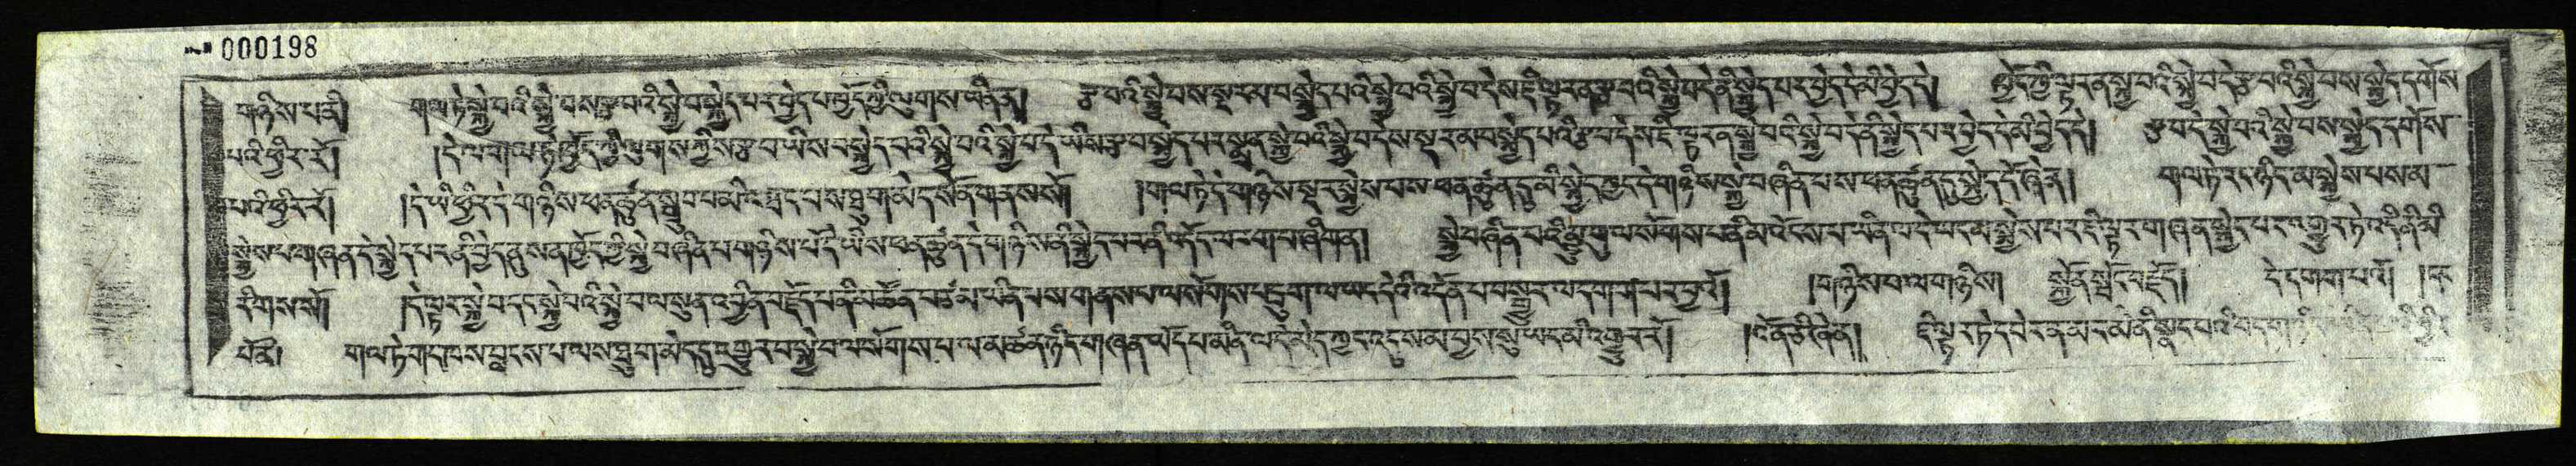གཉིས་པ་ནི། གལ་ཏེ་སྐྱེ་བའི་སྐྱེ་བས་རྩ་བའི་སྐྱེ་བ་སྐྱེད་པར་བྱེད་པ་ཁྱོད་ཀྱི་ལུགས་ཡིན་ན། རྩ་བའི་སྐྱེ་བས་སྔར་མ་བསྐྱེད་པའི་སྐྱེ་བའི་སྐྱེ་བ་དེས་ཇི་ལྟར་ན་རྩ་བའི་སྐྱེ་བ་དེ་ནི་སྐྱེད་པར་བྱེད་དེ་མི་བྱེད་དེ། ཁྱོད་ཀྱི་ལྟར་ན་སྐྱེ་བའི་སྐྱེ་བ་དེ་རྩ་བའི་སྐྱེ་བས་སྐྱེད་དགོས་
པའི་ཕྱིར་རོ། །དེ་ལ་གལ་ཏེ་ཁྱོད་ཀྱི་ལུགས་ཀྱིས་རྩ་བ་ཡིས་བསྐྱེད་པའི་སྐྱེ་བའི་སྐྱེ་བ་དེ་ཡིས་རྩ་བསྐྱེད་པར་སྨྲ་ན་སྐྱེ་བའི་སྐྱེ་བ་དེས་སྔར་མ་བསྐྱེད་པའི་རྩ་བ་དེས་ཇི་ལྟར་ན་སྐྱེ་བའི་སྐྱེ་བ་དེ་ནི་སྐྱེད་པར་བྱེད་དེ་མི་བྱེད་དེ། རྩ་བ་དེ་སྐྱེ་བའི་སྐྱེ་བས་སྐྱེད་དགོས་
པའི་ཕྱིར་རོ། །དེ་ཡི་ཕྱིར་དེ་གཉིས་ཕན་ཚུན་སྒྲུབ་པ་མི་འཐད་པས་ཐུག་མེད་སོན་གནས་སོ། །གལ་ཏེ་དེ་གཉིས་སྔར་སྐྱེས་པས་ཕན་ཚུན་དུ་མི་སྐྱེད་ཀྱང་དེ་གཉིས་སྐྱེ་བཞིན་པས་ཕན་ཚུན་དུ་སྐྱེད་དོ་ཞེ་ན། གལ་ཏེ་རང་ཉིད་མ་སྐྱེས་པས་མ་
སྐྱེས་པ་གཞན་དེ་སྐྱེད་པར་ནི་བྱེད་ནུས་ན་ཁྱོད་ཀྱི་སྐྱེ་བཞིན་པ་གཉིས་པོ་དེ་ཡིས་ཕན་ཚུན་དེ་གཉིས་ནི་སྐྱེད་པར་ནི་འདོད་ལ་རག་པ་ཞིག་ན། སྐྱེ་བཞིན་པའི་མྱུ་གུ་ལ་སོགས་པ་ནི་མ་འོངས་པ་ཡིན་ལ་དེ་ཡང་མ་སྐྱེས་པར་ཇི་ལྟར་གཞན་སྐྱེད་པར་འགྱུར་ཏེ་འདི་ནི་མི་
རིགས་སོ། །དེ་ལྟར་སྐྱེ་བ་དང་སྐྱེ་བའི་སྐྱེ་བ་ལ་སུན་འབྱིན་བརྗོད་པ་ནི་མཚོན་པ་ཙམ་ཡིན་པས་གནས་པ་ལ་སོགས་པ་དྲུག་ལ་ཡང་དེའི་འདོན་པ་བསྒྱུར་ལ་དགག་པར་བྱའོ། །གཉིས་པ་ལ་གཉིས། སྐྱོན་སྤོང་བརྗོད། དེ་དགག་པའོ། །དང་
པོ་ནི། གལ་ཏེ་གང་ཁས་བླངས་པ་ལས་ཐུག་མེད་དུ་འགྱུར་བ་སྐྱེ་བ་ལ་སོགས་པ་ལ་མཚན་ཉིད་གཞན་ཡོད་པ་མིན་ལ་དེ་མེད་ཀྱང་འདུས་མ་བྱས་སུ་ཡང་མི་འགྱུར་རོ། །འོ་ན་ཅི་ཞེ་ན། ཇི་ལྟར་ཏེ་དཔེར་ན་མར་མེ་ནི་སྣང་བའི་བདག་ཉིད་ཡིན་པའི་ཕྱིར་